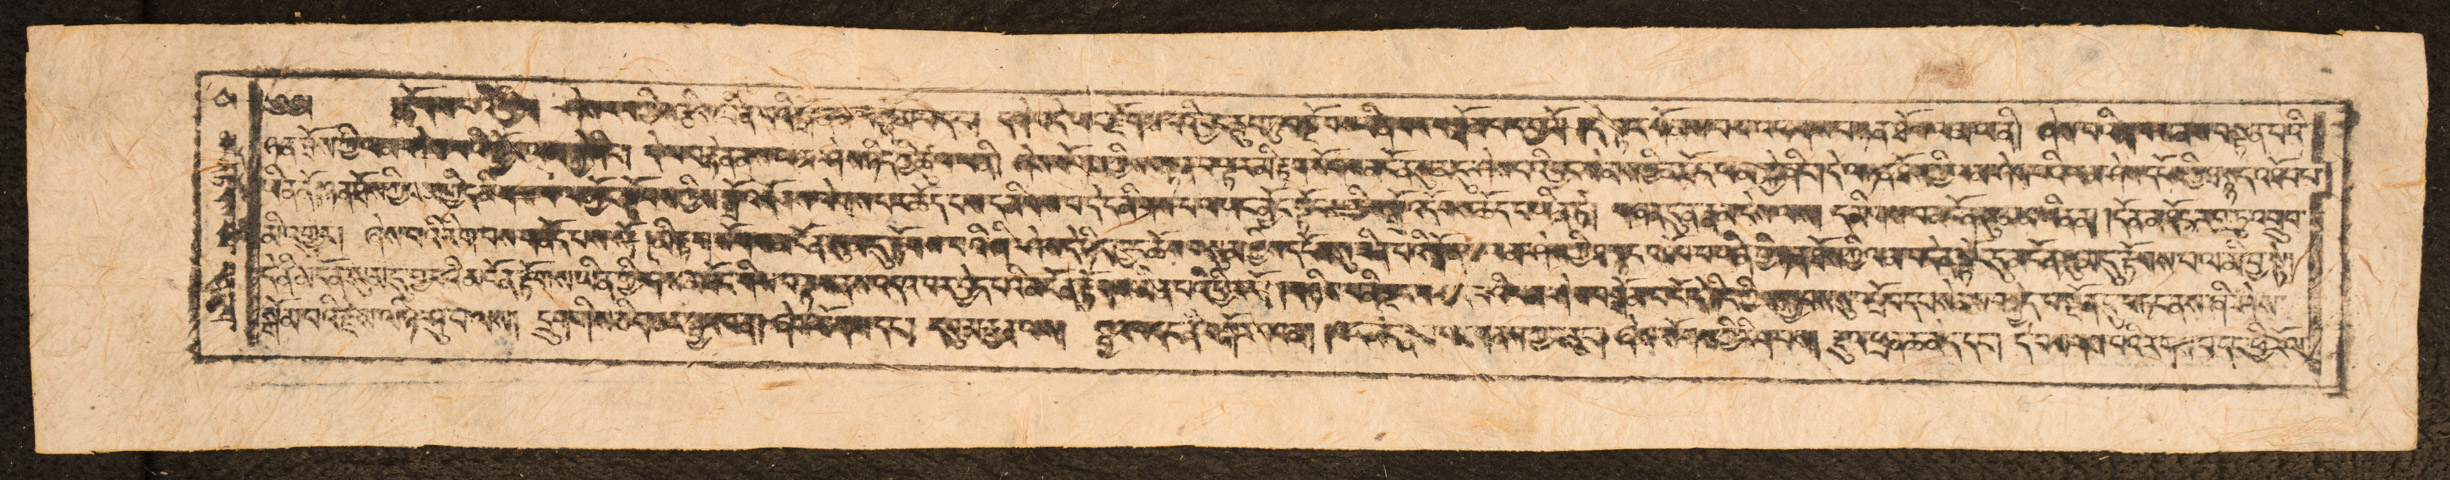༄༅། །རྟོགས་པའི་ཕྱིར། ཤེས་རབ་ཀྱིས་རྩིས་ཟིན་པའི་སྒོ་ནས་བསྒོམ་པ་དང་། དགེ་བ་དེ་ཡང་རྫོགས་པའི་བྱང་ཆུབ་ཏུ་བསྔོ་བས་ཟིན་པར་བསྒོམ་པར་བྱའོ། །དེ་ལྟར་གོམས་པས་འཕགས་པ་ཉན་ཐོས་ལམ་ལ་ནི། ཞེས་པའི་སྐབས་ནས་བསྟན་པའི་
ཉན་ཐོས་ཀྱི་ལམ་ཤེས་པའི་སྦྱོར་ལམ་སྐྱེ་ཞིང་། དེ་ལ་བརྟེན་ནས་ལམ་ཤེས་ཉིད་ཀྱི་ཚུལ་ལ་ནི། ཞེས་སོགས་ཀྱིས་བསྟན་པ་ལྟར་མི་རྟག་སོགས་མངོན་སུམ་དུ་ཤེས་པའི་བྱང་སེམས་ཀྱི་མཐོང་ལམ་སྐྱེ་ཞིང་། དེ་ལ་ཉན་ཐོས་ཀྱི་ལམ་ཤེས་པའི་ལམ་ཤེས་དངོས་ཀྱི་ཐ་སྙད་འཐོབ་པ་
ཡིན་ནོ། །ཉན་ཐོས་ཀྱི་ལམ་གྱི་དམིགས་པ་ལ་མྱོང་སྟོབས་ཀྱིས་སྒྲོ་འདོགས་ལེགས་པར་ཆོད་པས་དམིགས་པ་དེ་དམིགས་པ་ལ་ཡང་མྱོང་སྟོབས་ཀྱིས་སྒྲོ་འདོགས་ཆོད་པ་ཡིན་ཏེ། གཞན་དུ་ན་རྣམ་དེས་ལས། དམིགས་པ་མངོན་སུམ་མ་ཡིན་ན། །དོན་མཐོང་རབ་ཏུ་འགྲུབ་
མི་འགྱུར། ཞེས་པའི་རིག་པས་གནོད་པས་སོ། །མི་རྟག་སོགས་མངོན་སུམ་དུ་རྟོགས་པའི་ཞི་ཤེས་དེ་ཉིད་ཁྱད་ཆོས་གསུམ་གྱིས་དངོས་སུ་ཟིན་པའི་སྒོ་ནས་ལམ་ཤེས་ཀྱི་ཐ་སྙད་འཐོབ་པ་ཡིན་གྱི་ཉན་ཐོས་ཀྱི་ལམ་བདེན་སྟོང་དུ་མངོན་སུམ་དུ་རྟོགས་པ་ལ་མི་བྱ་སྟེ།
དེ་ནི་མངོན་སུམ་དུ་བྱ་བའི་མངོན་རྟོགས་ཡིན་གྱི་ཤེས་མཐོང་གིས་བལྟས་ནས་འདའ་བར་བྱེད་པའི་མངོན་རྟོགས་མིན་པའི་ཕྱིར་རོ། །གཉིས་པ་ནི་སྔར་བཤད་པའི་ལམ་ཤེས་བསྒོམ་པ་པོ་དེ་ཉིད་ཀྱིས་སྐྱབས་སུ་འགྲོ་བ་དང་། སེམས་བསྐྱེད་པ་སྔོན་དུ་བཏང་ནས་ཞི་ཤེས་
སྒོམ་པའི་རྗེས་ལ་ཉི་ཤུ་པ་ལས། དྲུག་གིས་ཅིག་ཅར་སྦྱར་བ་ན། ཞེས་སོགས་དང་། དབུ་མ་རྒྱན་ལས། སྦྱར་བ་དང་ནི་བསྐོར་བའམ། །བར་མེད་རྣམ་པར་གནས་ཀྱང་རུང་། ཞེས་སོགས་ཀྱི་རིག་པས། རྡུལ་ཕྲན་ཆ་མེད་དང་། དེ་བསགས་པའི་རགས་པ་དང་ཕྱི་རོལ་